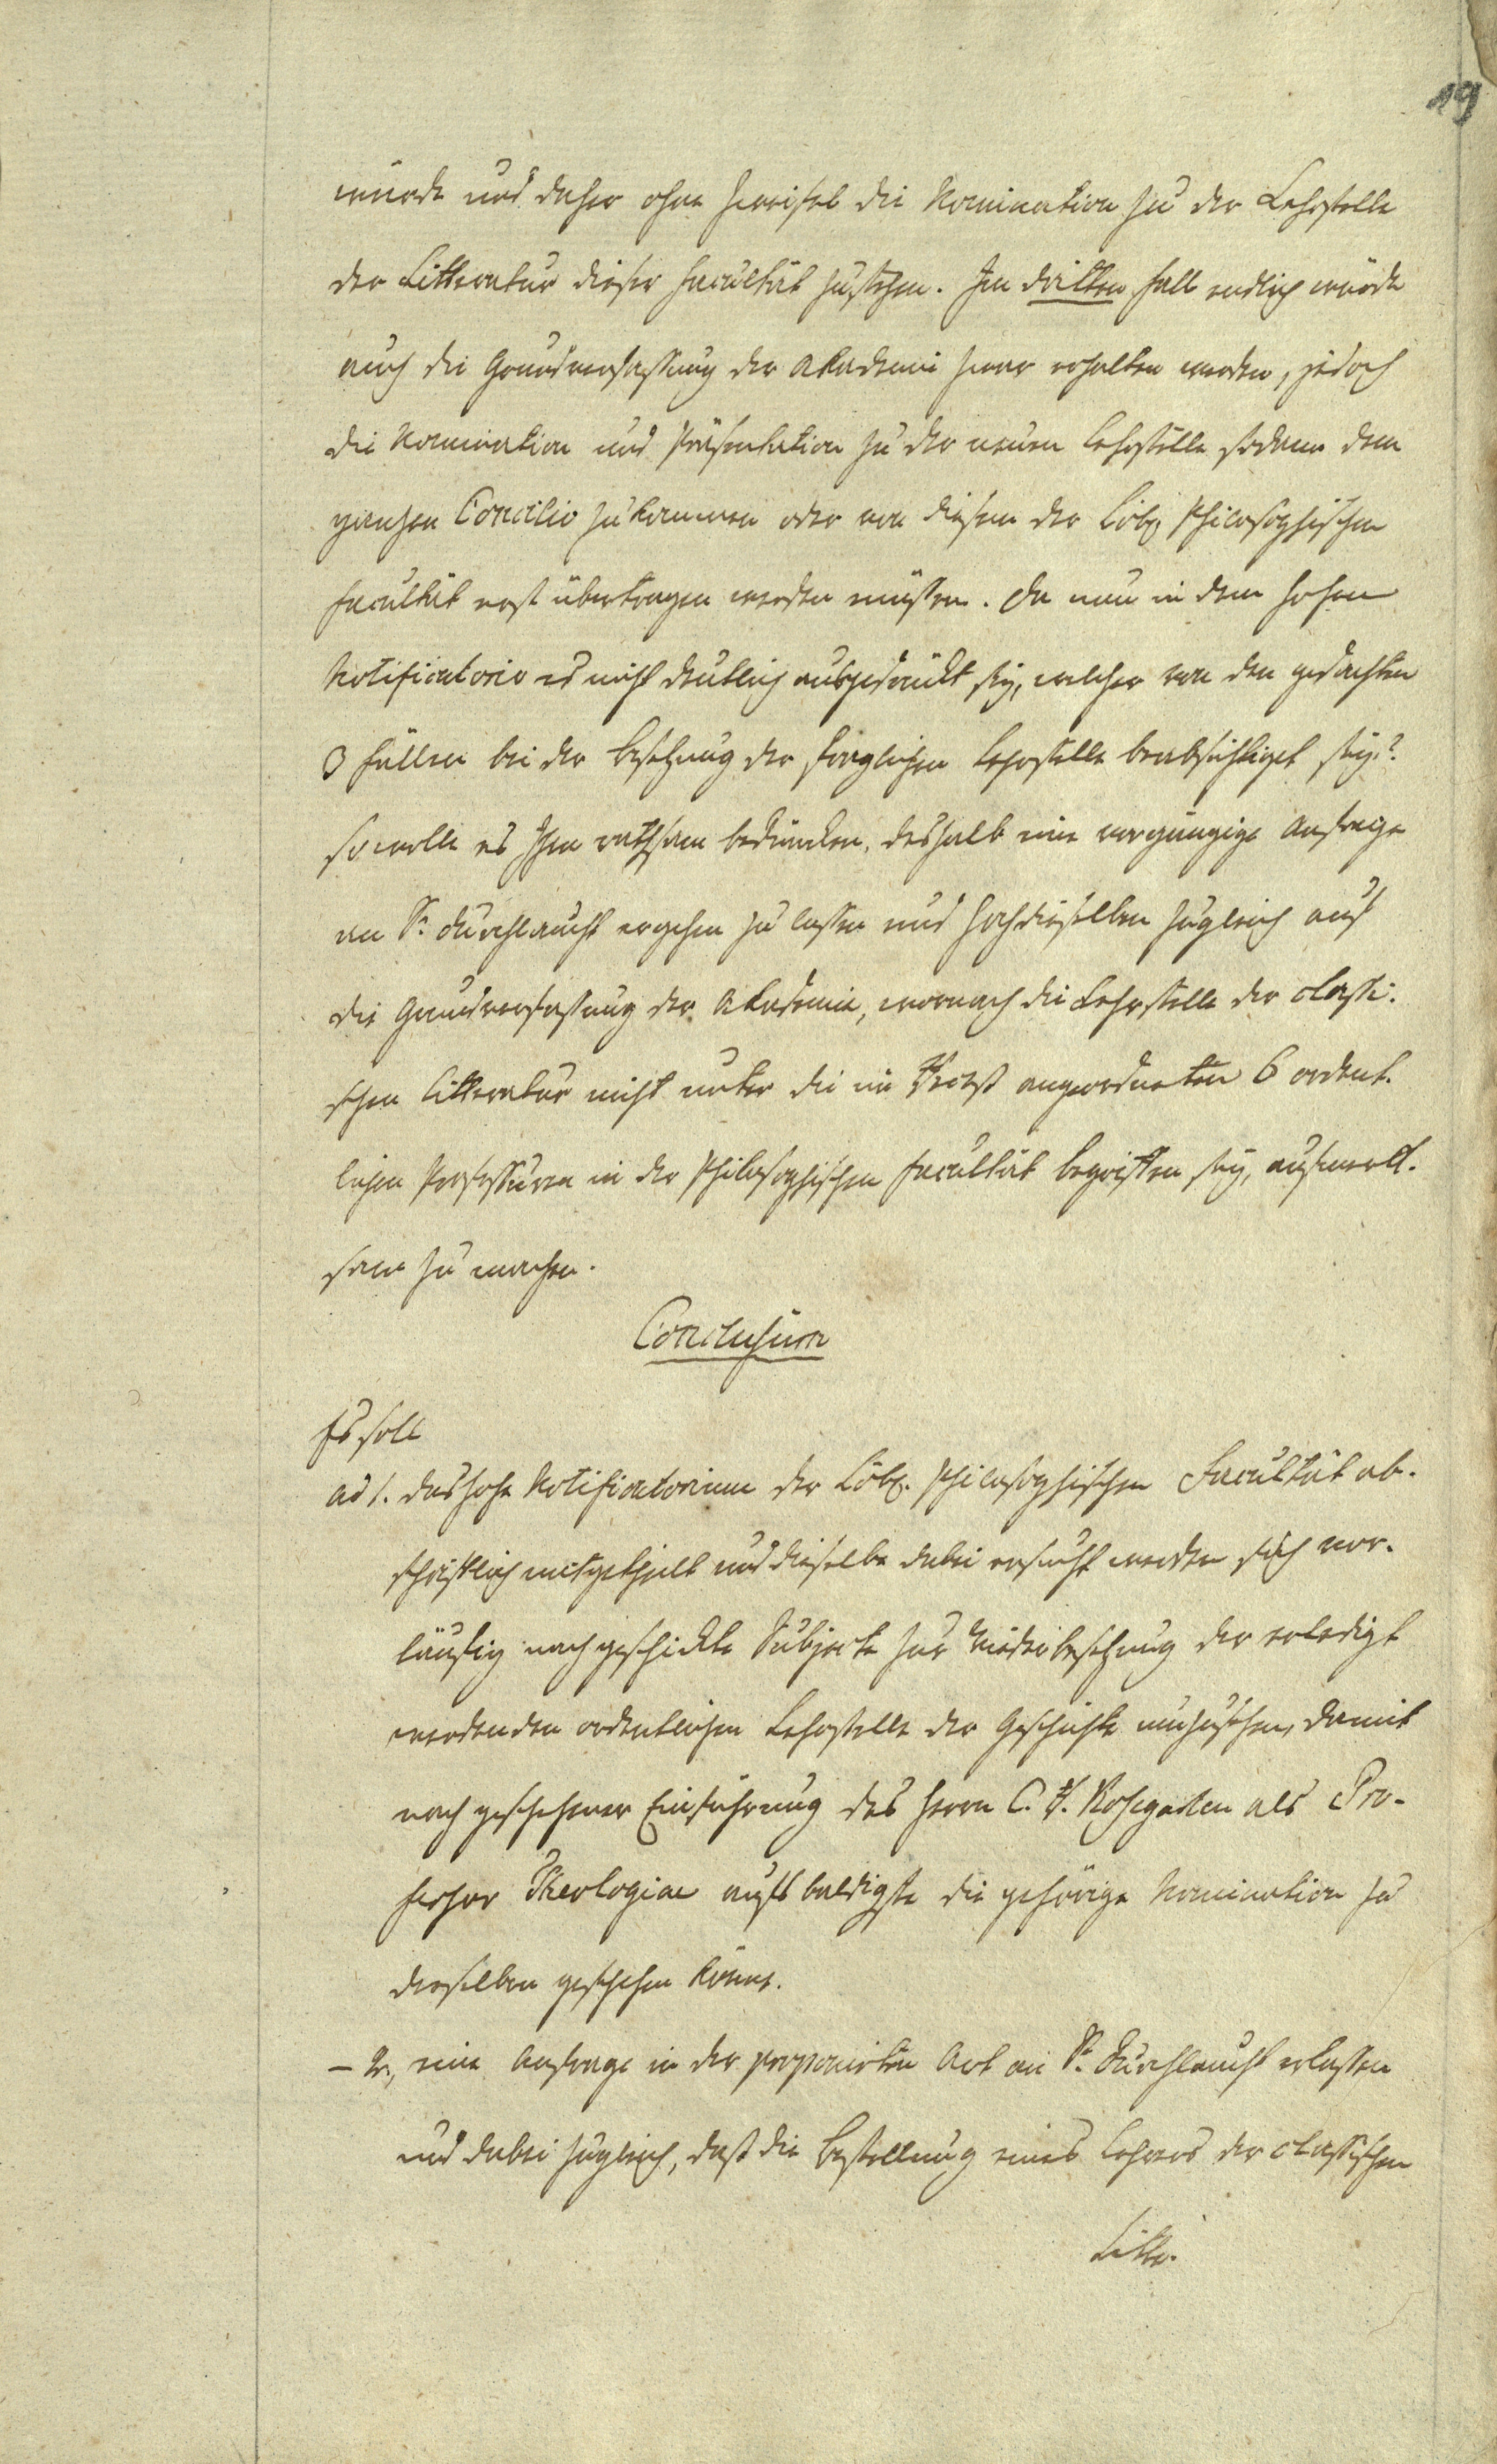würde und daher ohne Zweifel die Nomination zu der Lehrstelle
der Litteratur dieser Facultät zustehen. In dritten Fall endlich würde
auch die Grundverfassung der Akademie zwar erhalten werden, jedoch
die Nomination und Präsentation zu der neuen Lehrstelle sodann dem
ganzen Concilio zukommen oder von diesem der Löb. Philosophischen
Facultät erst übertragen werden müssen. Da nun in dem hohen
Notificatorio esad nicht deutlich ausgedrückt seÿ, welcher von den gedachten
3 Fällen bei der Besetzung der fraglichen Lehrstelle beabsichtiget seÿ?
so wolle es Ihm rathsam bedüncken, deshalb eine vorgängige Anfrage
an Sr Durchlaucht ergehen zu lassen und hochdieselben zugleich auf
die Grundverfassung der Akademie, wornach die Lehrstelle der classi¬
schen Litteratur nicht unter die im Receß angeordneten 6 ordent¬
lichen Professuren in der Philosophischen Facultät begriffen seÿ, aufmerk¬
sam zu machen.
Conclusum
Es soll
ad 1. das hohe Notificatorium der Löbl. Philosophischen Facultät ab¬
schriftlich mitgetheilt und dieselbe dabei ersucht werden sich vor¬
läufig nach geschickte Subjecte zur Wiederbesetzung der erledigt
werdenden ordentlichen Lehrstelle der Geschichte umzusehen, damit
nach geschehener Einführung des Herrn C. R. Kosegarten als Pro¬
fessor Theologiae aufs baldigste die gehörige Nomination zu
derselben geschehen könne.
2., eine Anfrage in der proponirten Art an Sr. Durchlaucht erlassen
und dabei zugleich, daß die Bestellung eines Lehrer der classischen
Litte¬